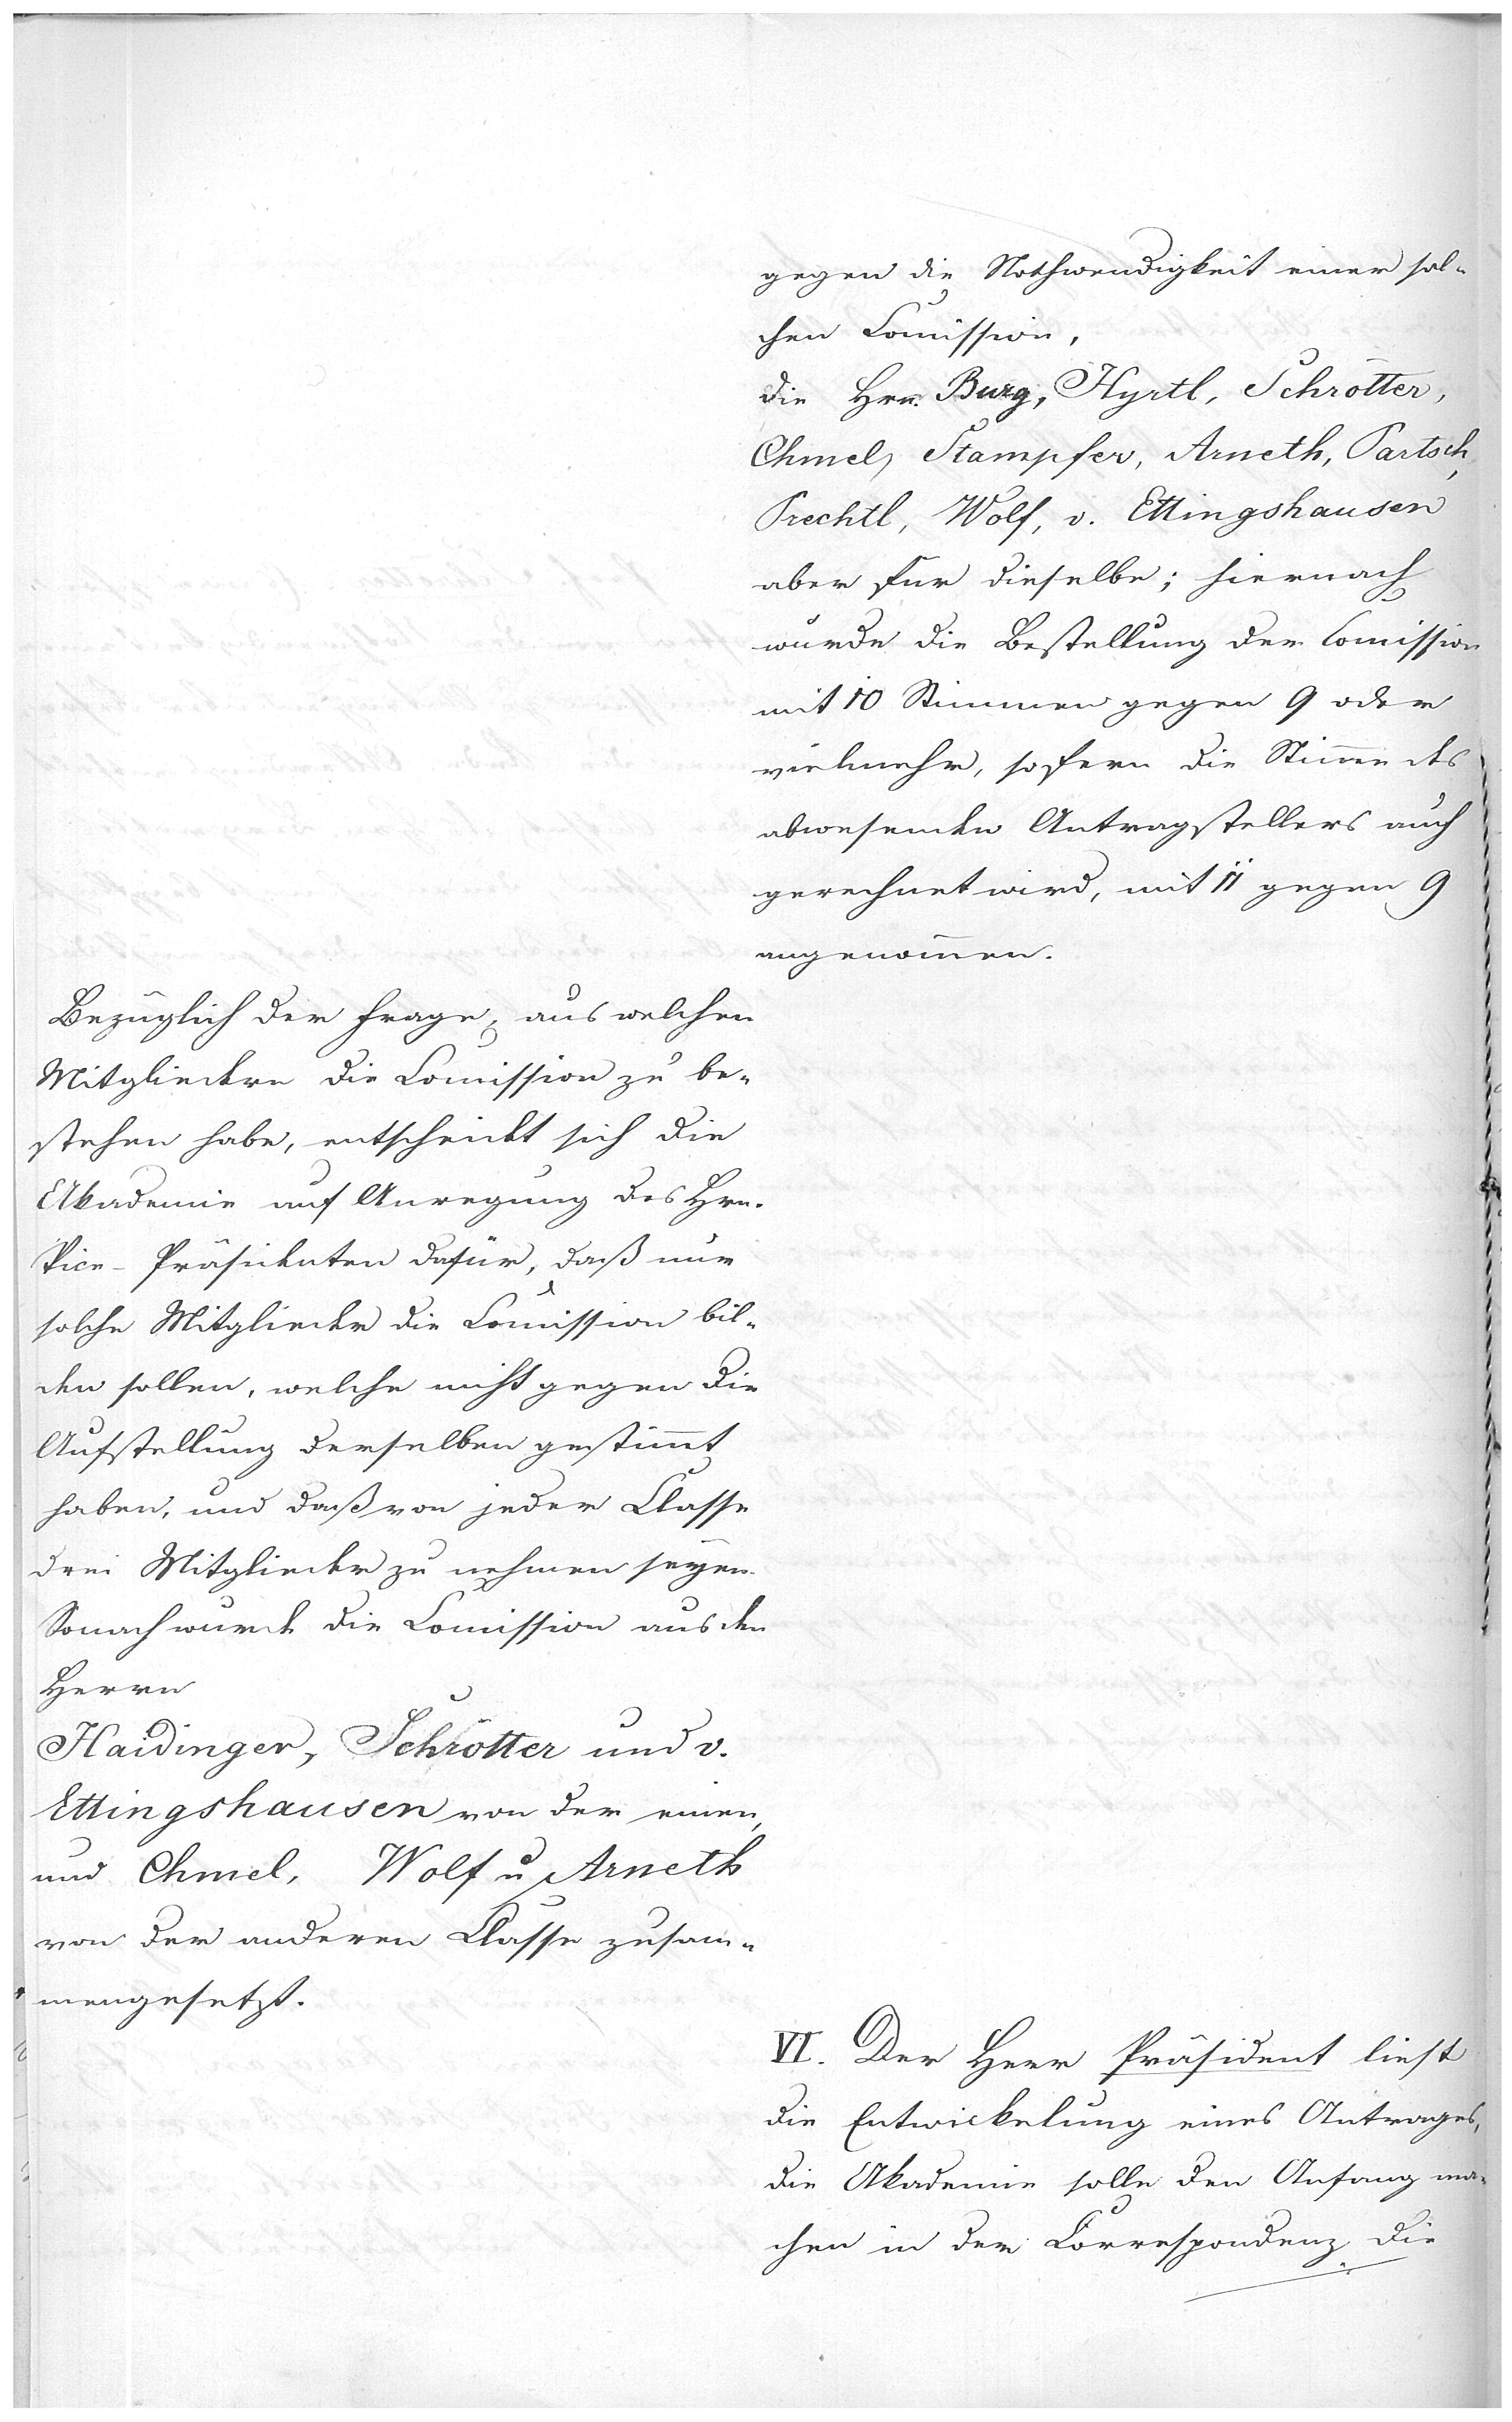gegen die Nothwendigkeit einer sol-
chen Commission.
Die Hrn. Burg, Hyrtl, Schrötter,
Chmel, Stampfer, Arneth, Partsch,
Prechtl, Wolf, v. Ettingshausen
aber für dieselbe; hiernach
wurde die Bestellung der Commission
mit 10 Stimmen gegen 9 oder
vielmehr, sofern die Stimme des-
anwesenden Antragstellers auch
gerechnet wird, mit 11 gegen 9
angenommen.
Bezüglich der Frage, aus welchen
Mitgliedern die Commission zu be-
stehen habe, entscheidet sich die
Akademie auf Anregung des Hrn.
Vice-Präsidenten dafür, daß nur
solche Mitglieder die Commission bil-
den sollen, welche nicht gegen die
Aufstellung derselben gestimmt
haben, und daß von jeder Classe
drei Mitglieder zu nehmen seyen.
Sonach wurde die Commission aus den
Herrn
Haidinger, Schrötter und v.
Ettingshausen von der einen
und Chmel, Wolf u. Arneth
von der anderen Classe zusam-
mengesetzt.
VI. Der Herr Präsident liest
die Entwickelung eines Antrages,
die Akademie solle den Anfang ma-
chen in der Correspondenz die